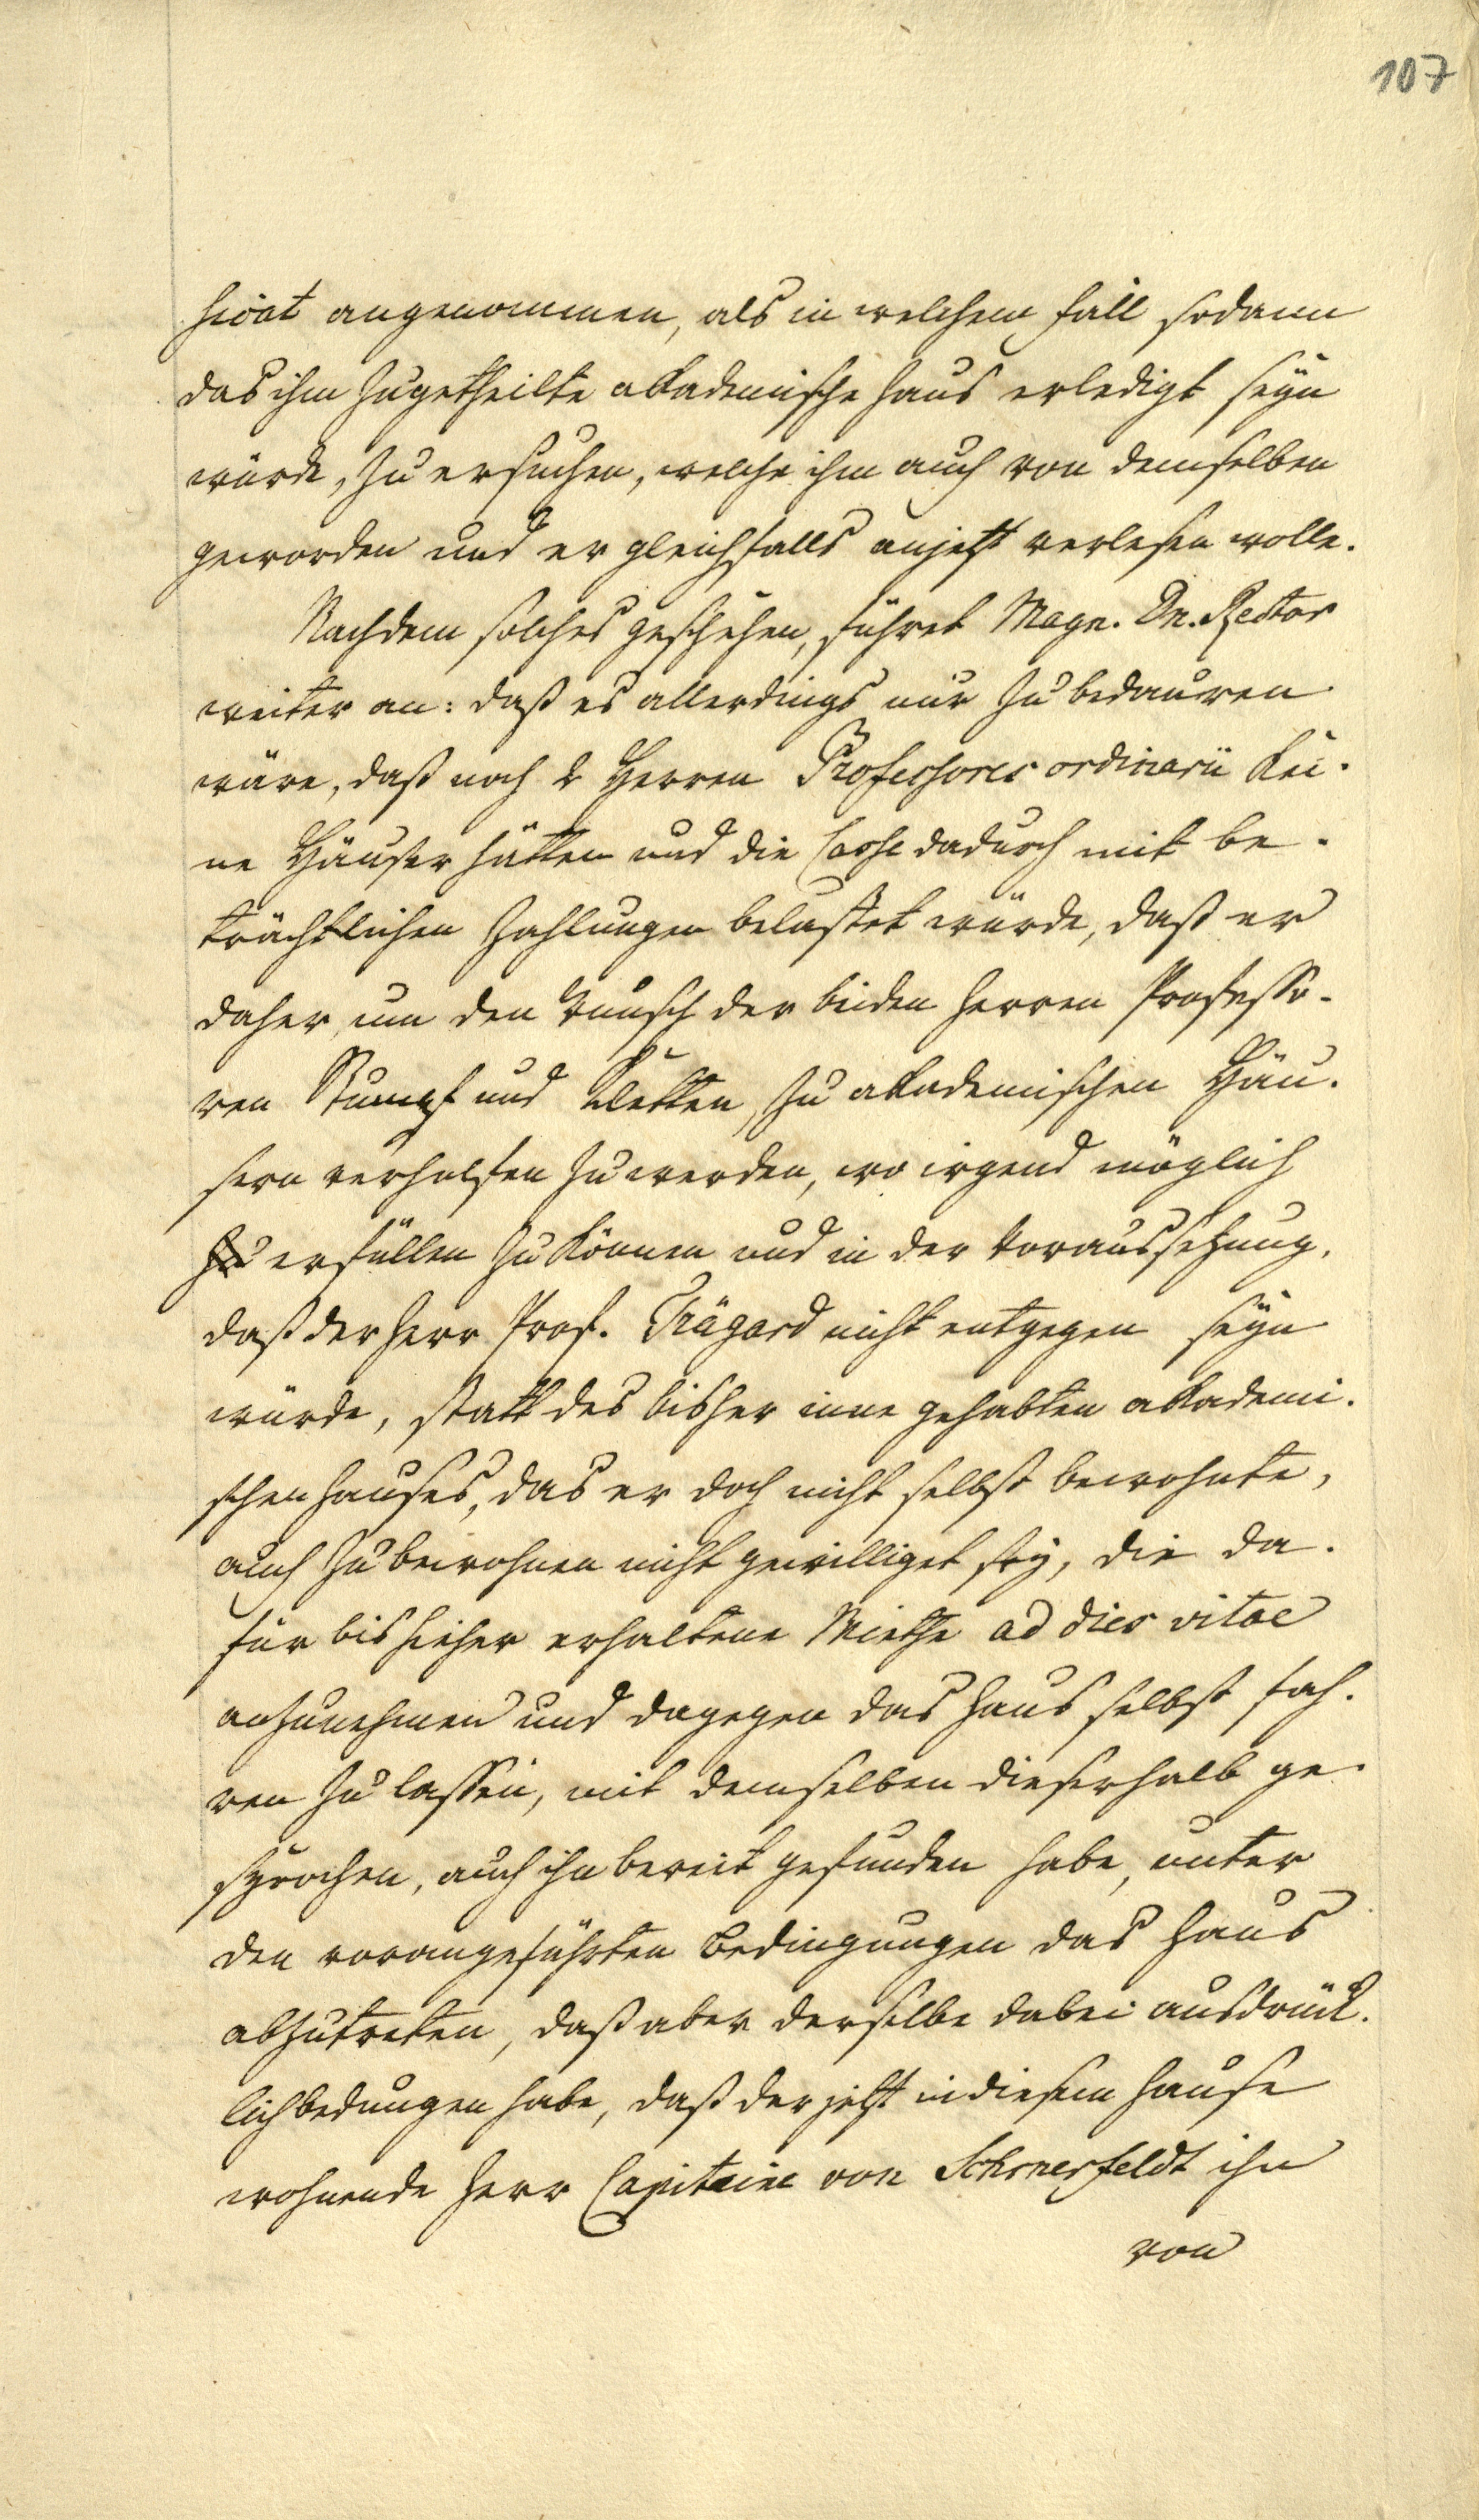sicat angenommen, als in welchem Fall sodann
das ihm zugetheilte akademische Haus erledigt seÿn
würde, zu ersuchen, welche ihm auch von demselben
geworden und er gleichfalls anjetzt verlesen wolle.
Nachdem solches geschehen, führet Magn. Dn. Rector
weiter an: daß es allerdings nur zu bedauren
wäre, daß noch 2 Herren Professores ordinarii kei¬
ne Häuser hätten und die Casse dadurch mit be¬
trächtlichen Zahlungen belastet würde, daß er
daher um den Wunsch der beiden Herren Professo¬
ren Stumpf und Kletten, zu akademischen Häu¬
sern verholfen zu werden, wo irgend möglich
zu erfüllen zu können und in der Voraussetzung,
daß der Herr Prof. Trägard nicht entgegen seÿn
würde, statt des bisher inne gehabten akademi¬
schen Hauses, das er da nicht selbst bewohnte,
auch zu bewohnen nicht gewilliget seÿ, die da¬
für bis hieher erhaltene Miethe ad dies vitae
anzunehmen und dagegen das Haus selbst fah¬
ren zu lassen, mit demselben dieserhalb ge¬
sprochen, auch ihn bereit gefunden habe, unter
den vorangeführten Bedingungen das Haus
abzutreten, daß aber derselbe dabei ausdrück¬
lich bedungen habe, daß der jetzt in diesem Hause
wohnende Herr Capitaine von Schmerfeldt ihn
von